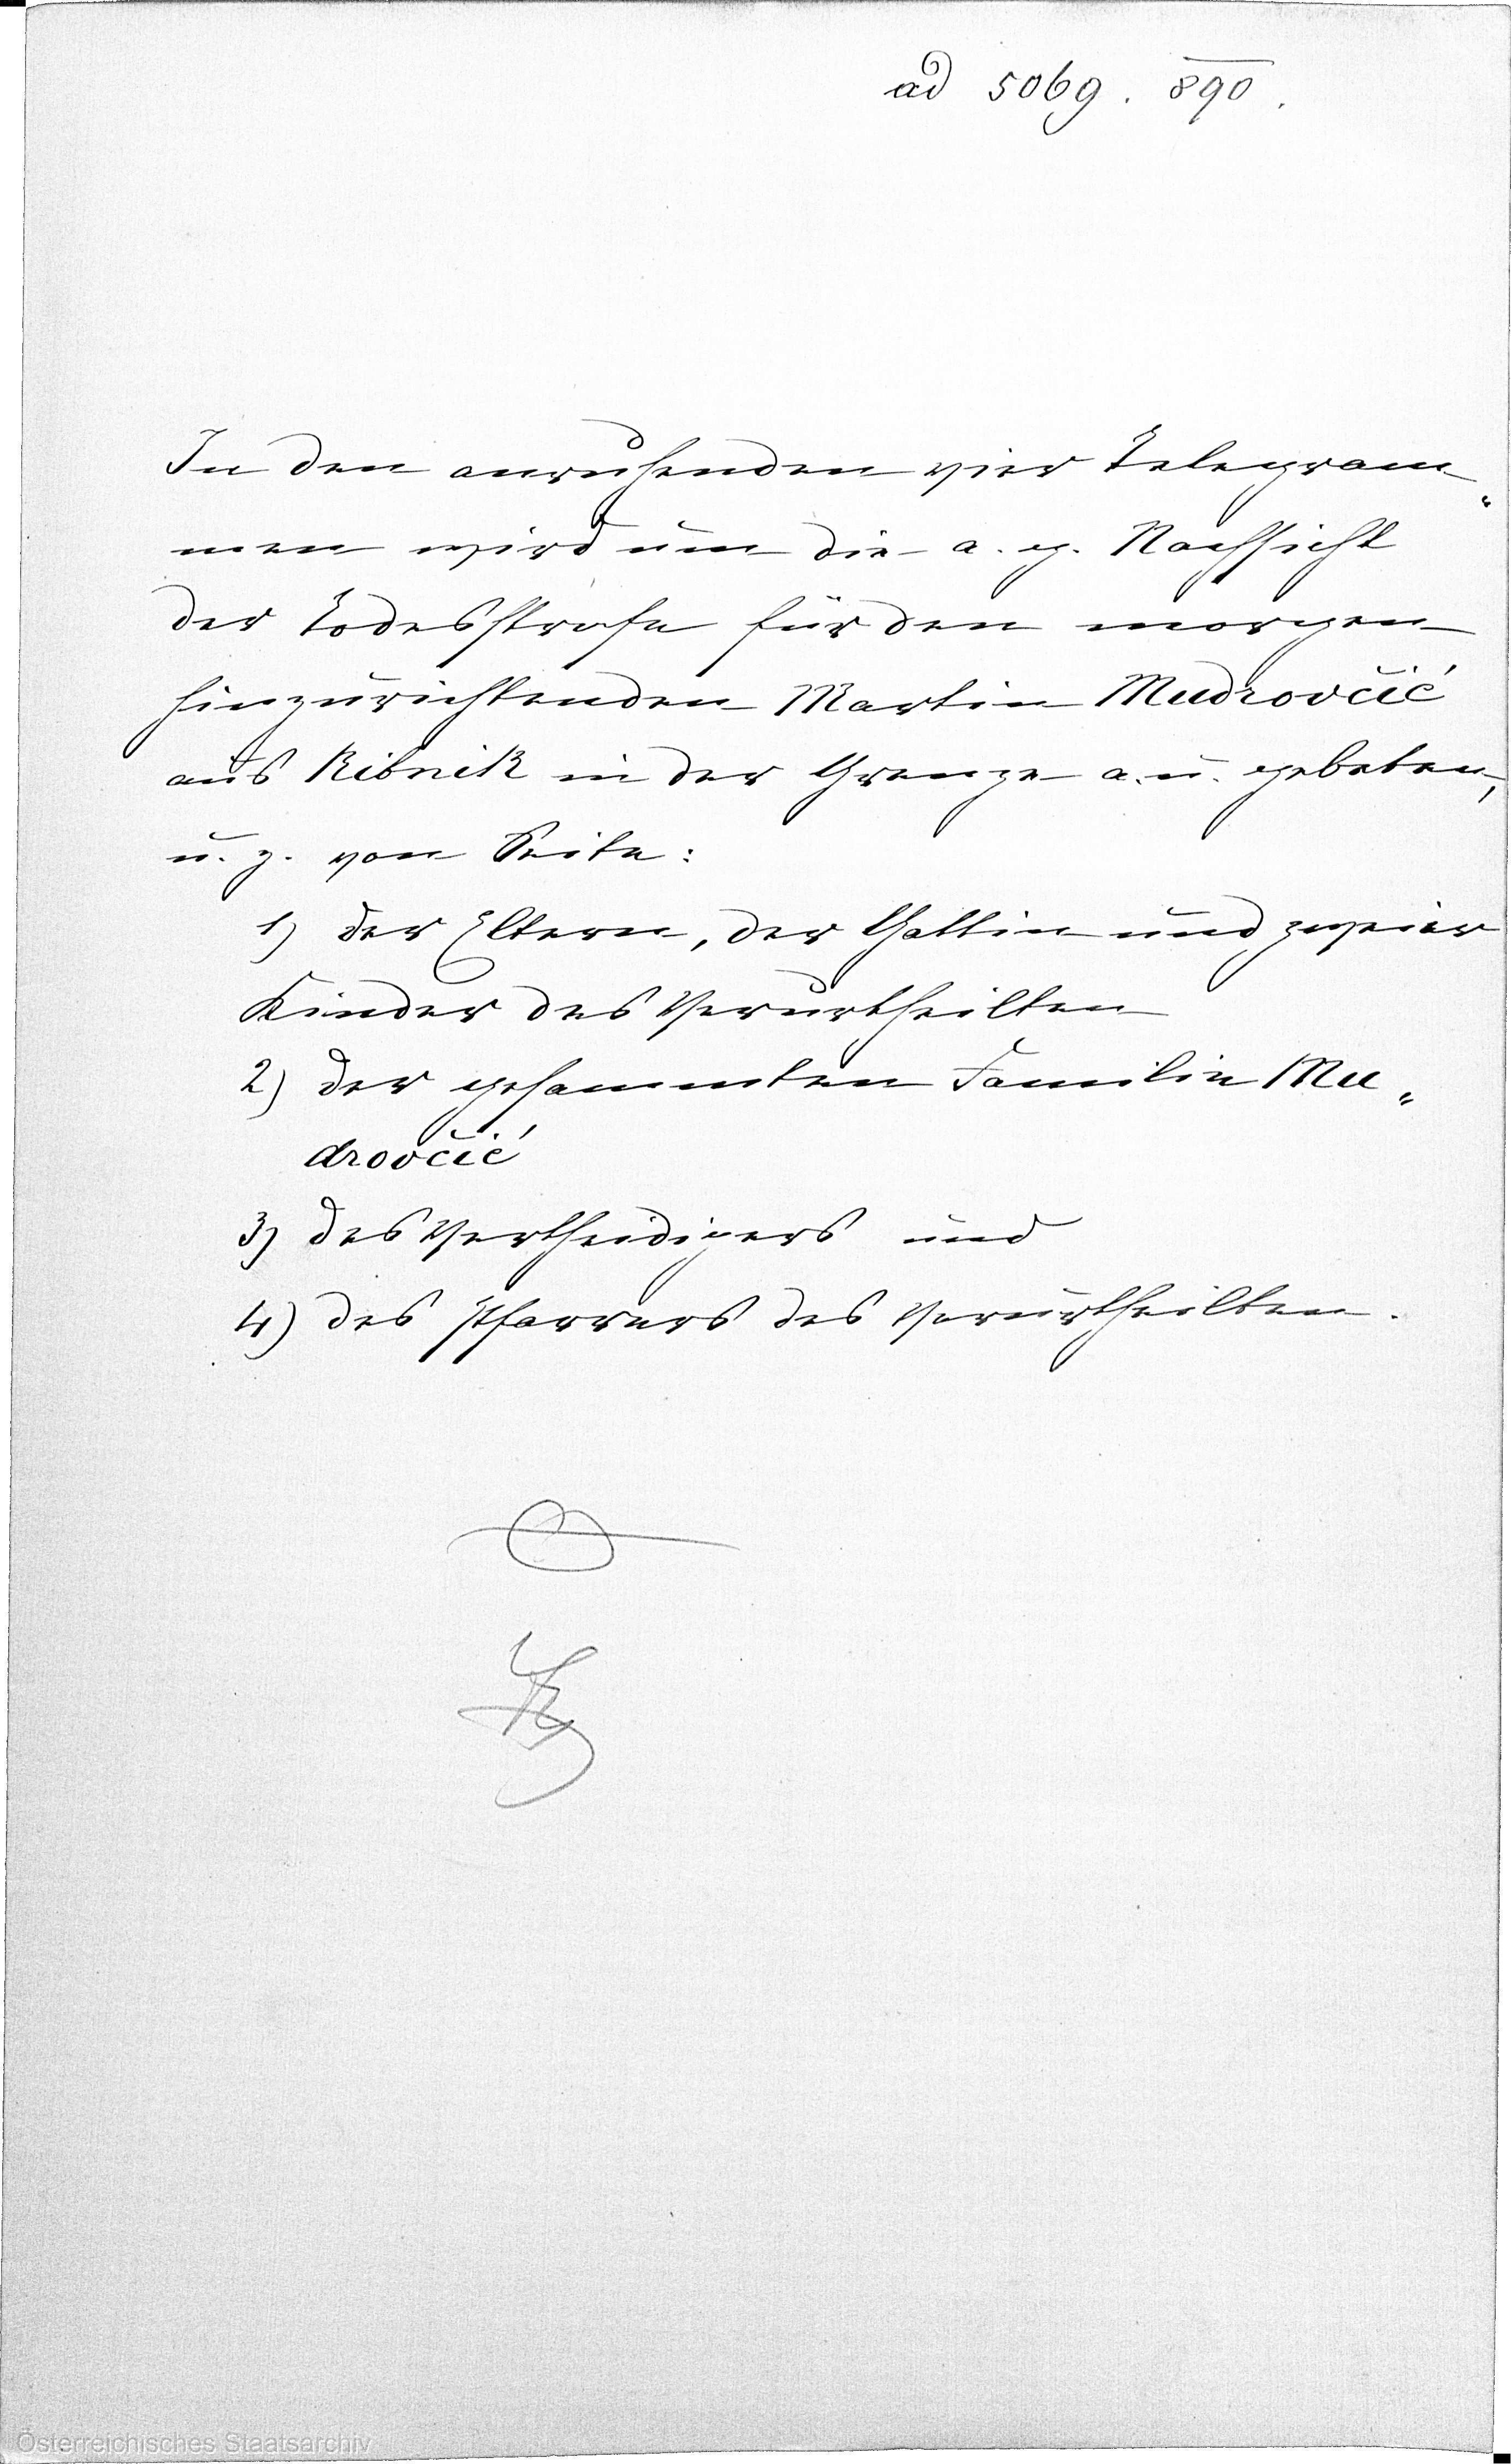ad 5069. 890.
In den anruhenden vier Telegram¬
men wird um die a. g. Nachsicht
der Todesstrafe für den morgen
hinzurichtenden Martin Mudrovčić
aus Ribnik in der Grenze a. u. gebeten,
u. z. von Seite:
1) der Eltern, der Gattin und zweier
Kinder des Verurtheilten
2) der gesammten Familie Mu¬
drovčić
3) des Vertheidigers und
4) des Pfarrers des Verurtheilten.
xx
xx